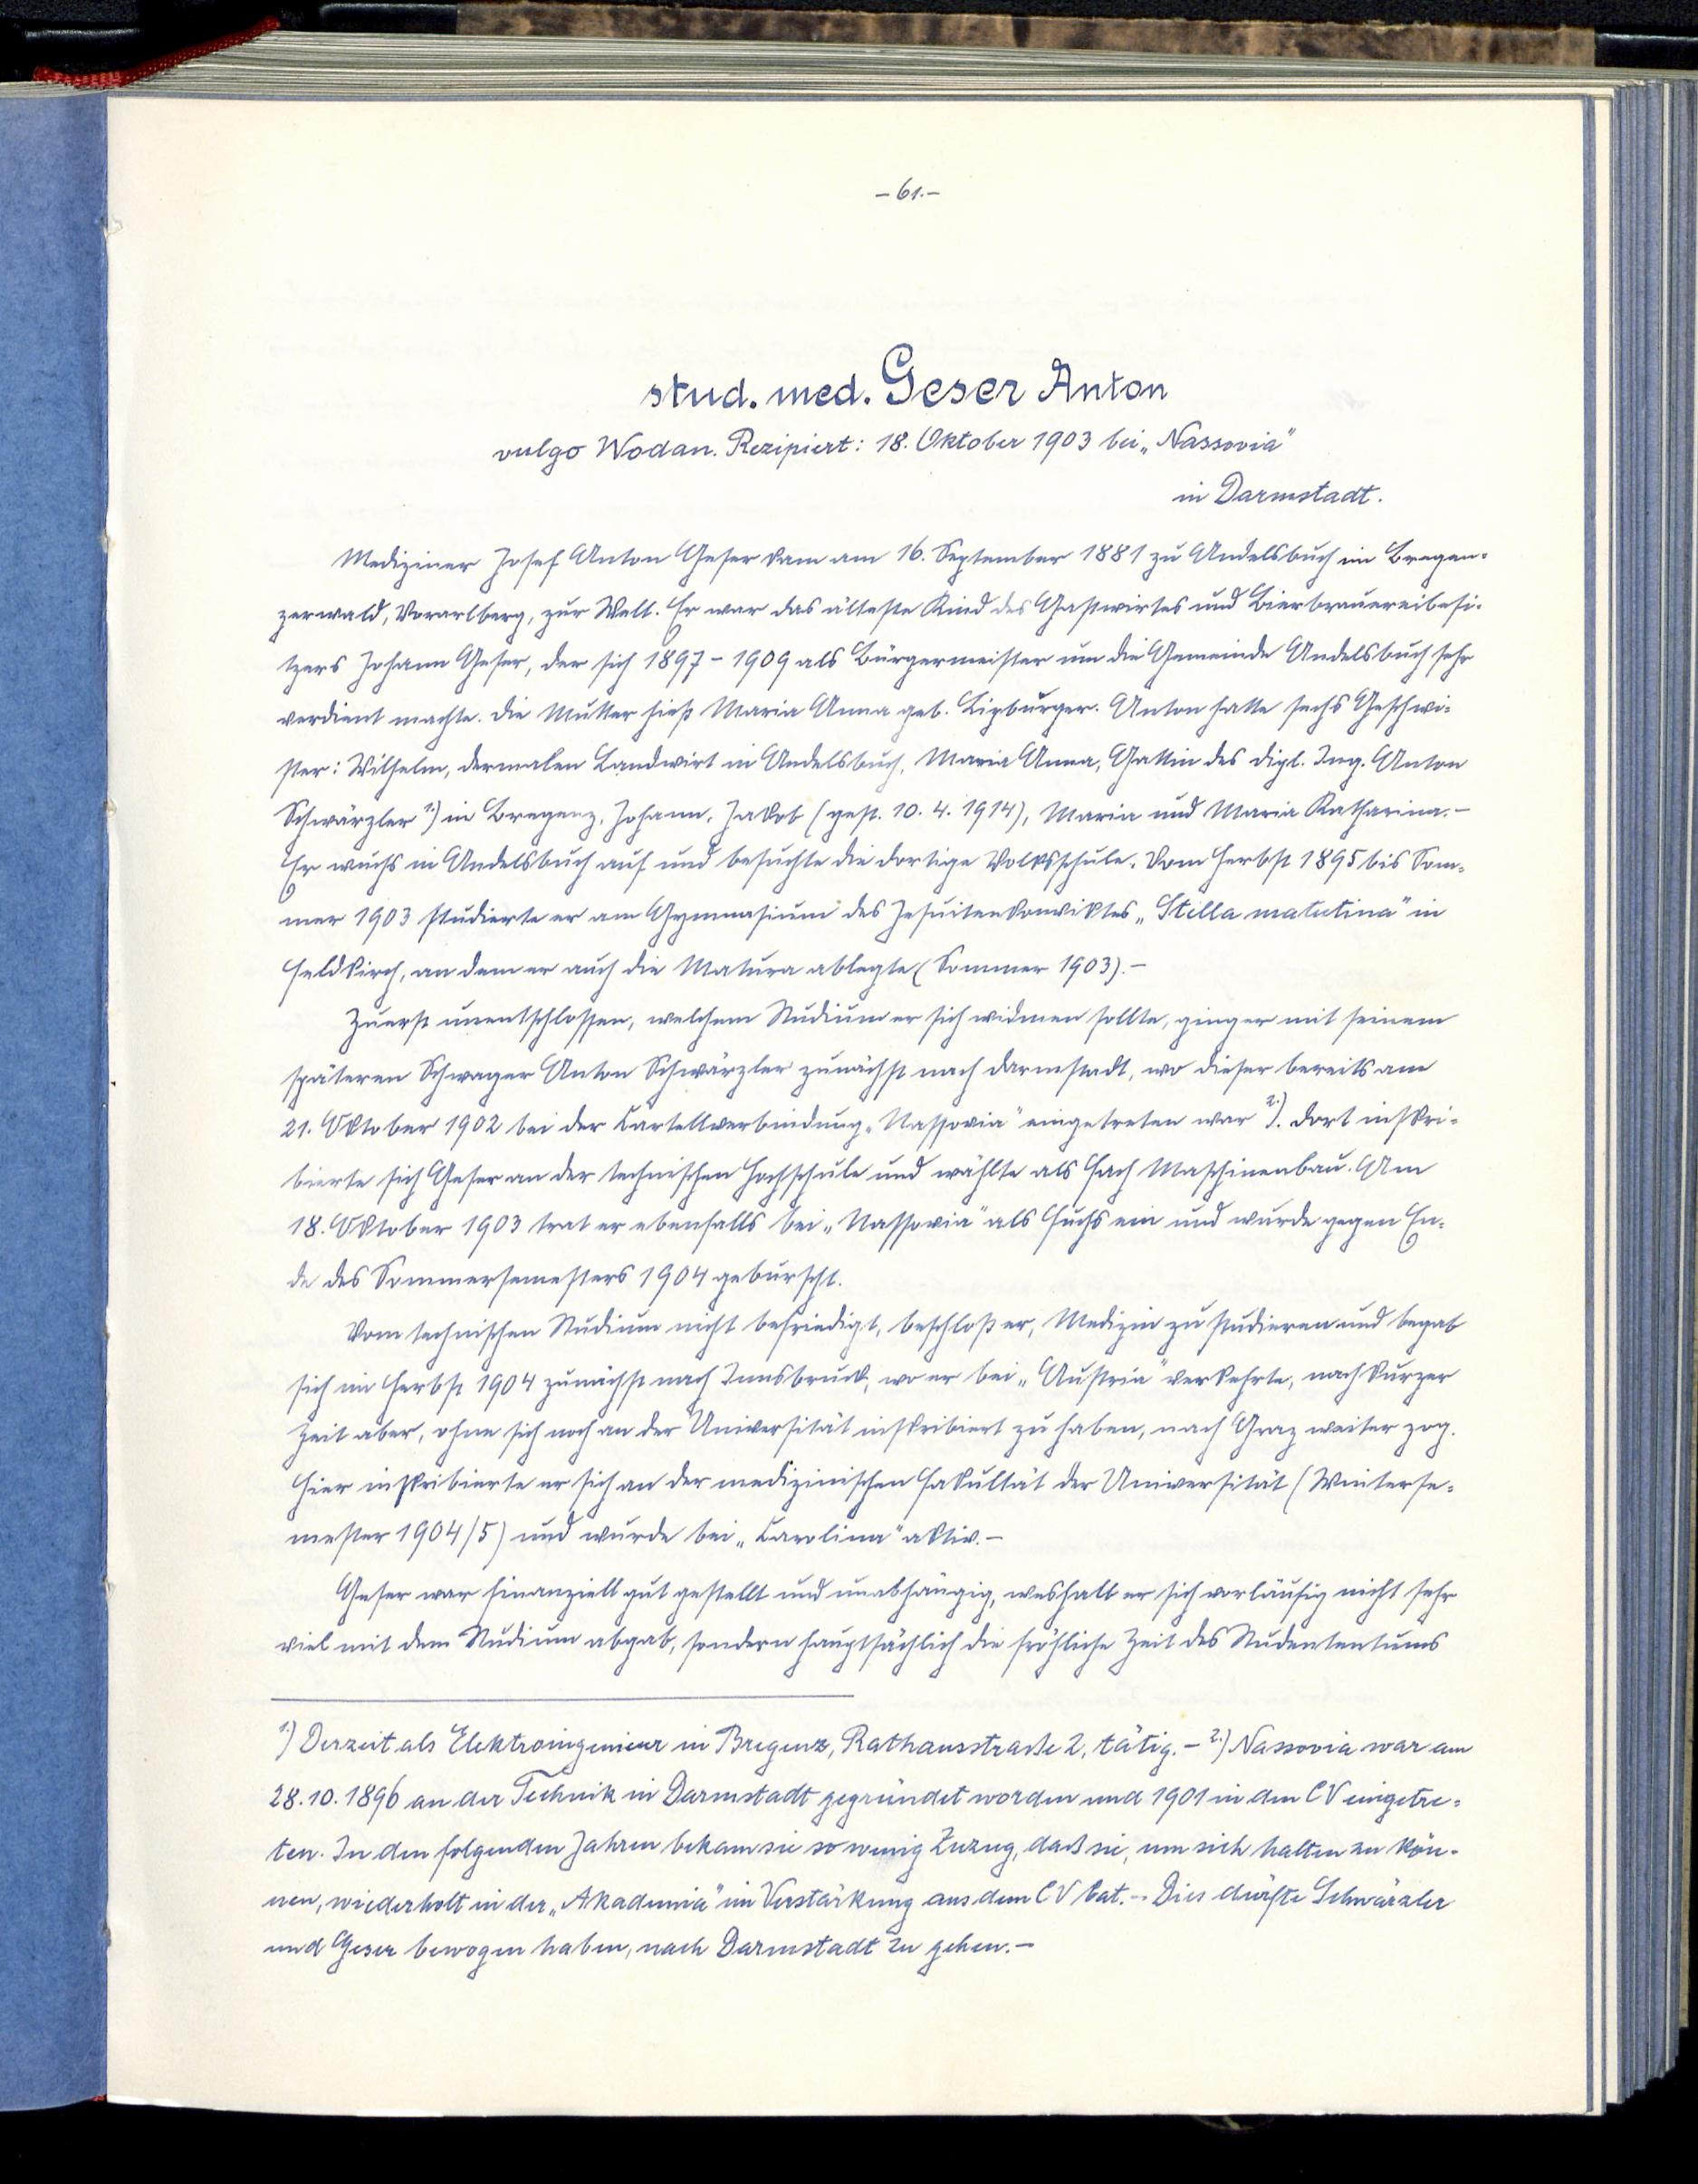61
stud. med. Geser Anton
vulgo Wodan. Rezipiert: 18. Oktober 1903 bei „Nassowia“
in Darmstadt
Mediziner Joseph Anton Geser kam am 16. September 1881 zu Andelsbuch im Bregen-
zerwald, Vorarlberg, zur Welt. Er war das älteste Kind des Gastwirtes und Bierbrauereibesi-
tzers Johann Geser, der sich 1897-1909 als Bürgermeister der Gemeinde Andelsbuch sehr
verdient gemacht. Die Mutter hieß Maria Anna geborene Ligburger. Anton hatte sechs Geschwi-
ster: Wilhelm, dermalen Landwirt in Andelsbuch, Maria Anna, Gattin des Dipl. Ing. Anton
Schwärzler 1) in Bregenz, Johann, Jakob (gest. 10.4.1914), Maria und Maria Katharina.-
Er wuchs in Andelsbuch auf und besuchte die dortige Volksschule, vom Herbst 1895 bis Som-
mer 1903 studierte er am Gymnasium des Jesuitenkonviktes „Stella Matutina“ in
Feldkirch, an denen er auch die Matura ablegte (Sommer 1903).-
Zunächst unentschlossen, welchem Studium er sich widmen sollte, ging er mit seinem
späteren Schwager Anton Schwärzler zunächst nach Darmstadt, wo dieser bereits am
21. Oktober 1902 bei der Cartellverbindung Nassowia eingetreten war. 2) Dort inskri-
bierte sich Geser an der technischen Hochschule und wählte als Fach Maschinenbau. Am
18. Oktober 1903 trat er ebenfalls bei „Nassowia“ als Fuchs ein und wurde gegen En-
de des Sommersemester 1904 geburscht.
Vom technischen Studium nicht befriedigt, beschloß er, Medizin zu studieren und begab
sich im Herbst 1904 zunächst nach Innsbruck, wo er bei“ Austria“ verkehrte, nach kurzer
Zeit aber, ohne sich noch an der Universität inskribiert zu haben, nach Graz weiterzog.
Hier inskribierte er sich an der medizinischen Fakultät der Universität (Winterse-
mester 1904/5) und wurde bei „Carolina“ aktiv.
Geser war finanziell gut gestellt und unabhängig, weshalb er sich vorläufig nicht sehr
viel mit dem Studium abgab, sondern hauptsächlich die fröhliche Zeit des Studententums
1) Derzeit als Elektroingenieur in Bregenz, Rathausstraße 2. – 2) Nassowia war am
28.10.1896 an der Technik in Darmstadt gegründet worden und 1901 in den CV eingetre-
ten. In den folgenden Jahren bekam sie so wenig Zuzug, dass sie, um sich halten zu kön-
nen, wiederholt in der „Akademia“ um Verstärkung aus den CV bat. Dies dürfte Schwärzler
und Glaeser bewogen haben, nach Darmstadt zu gehen.-